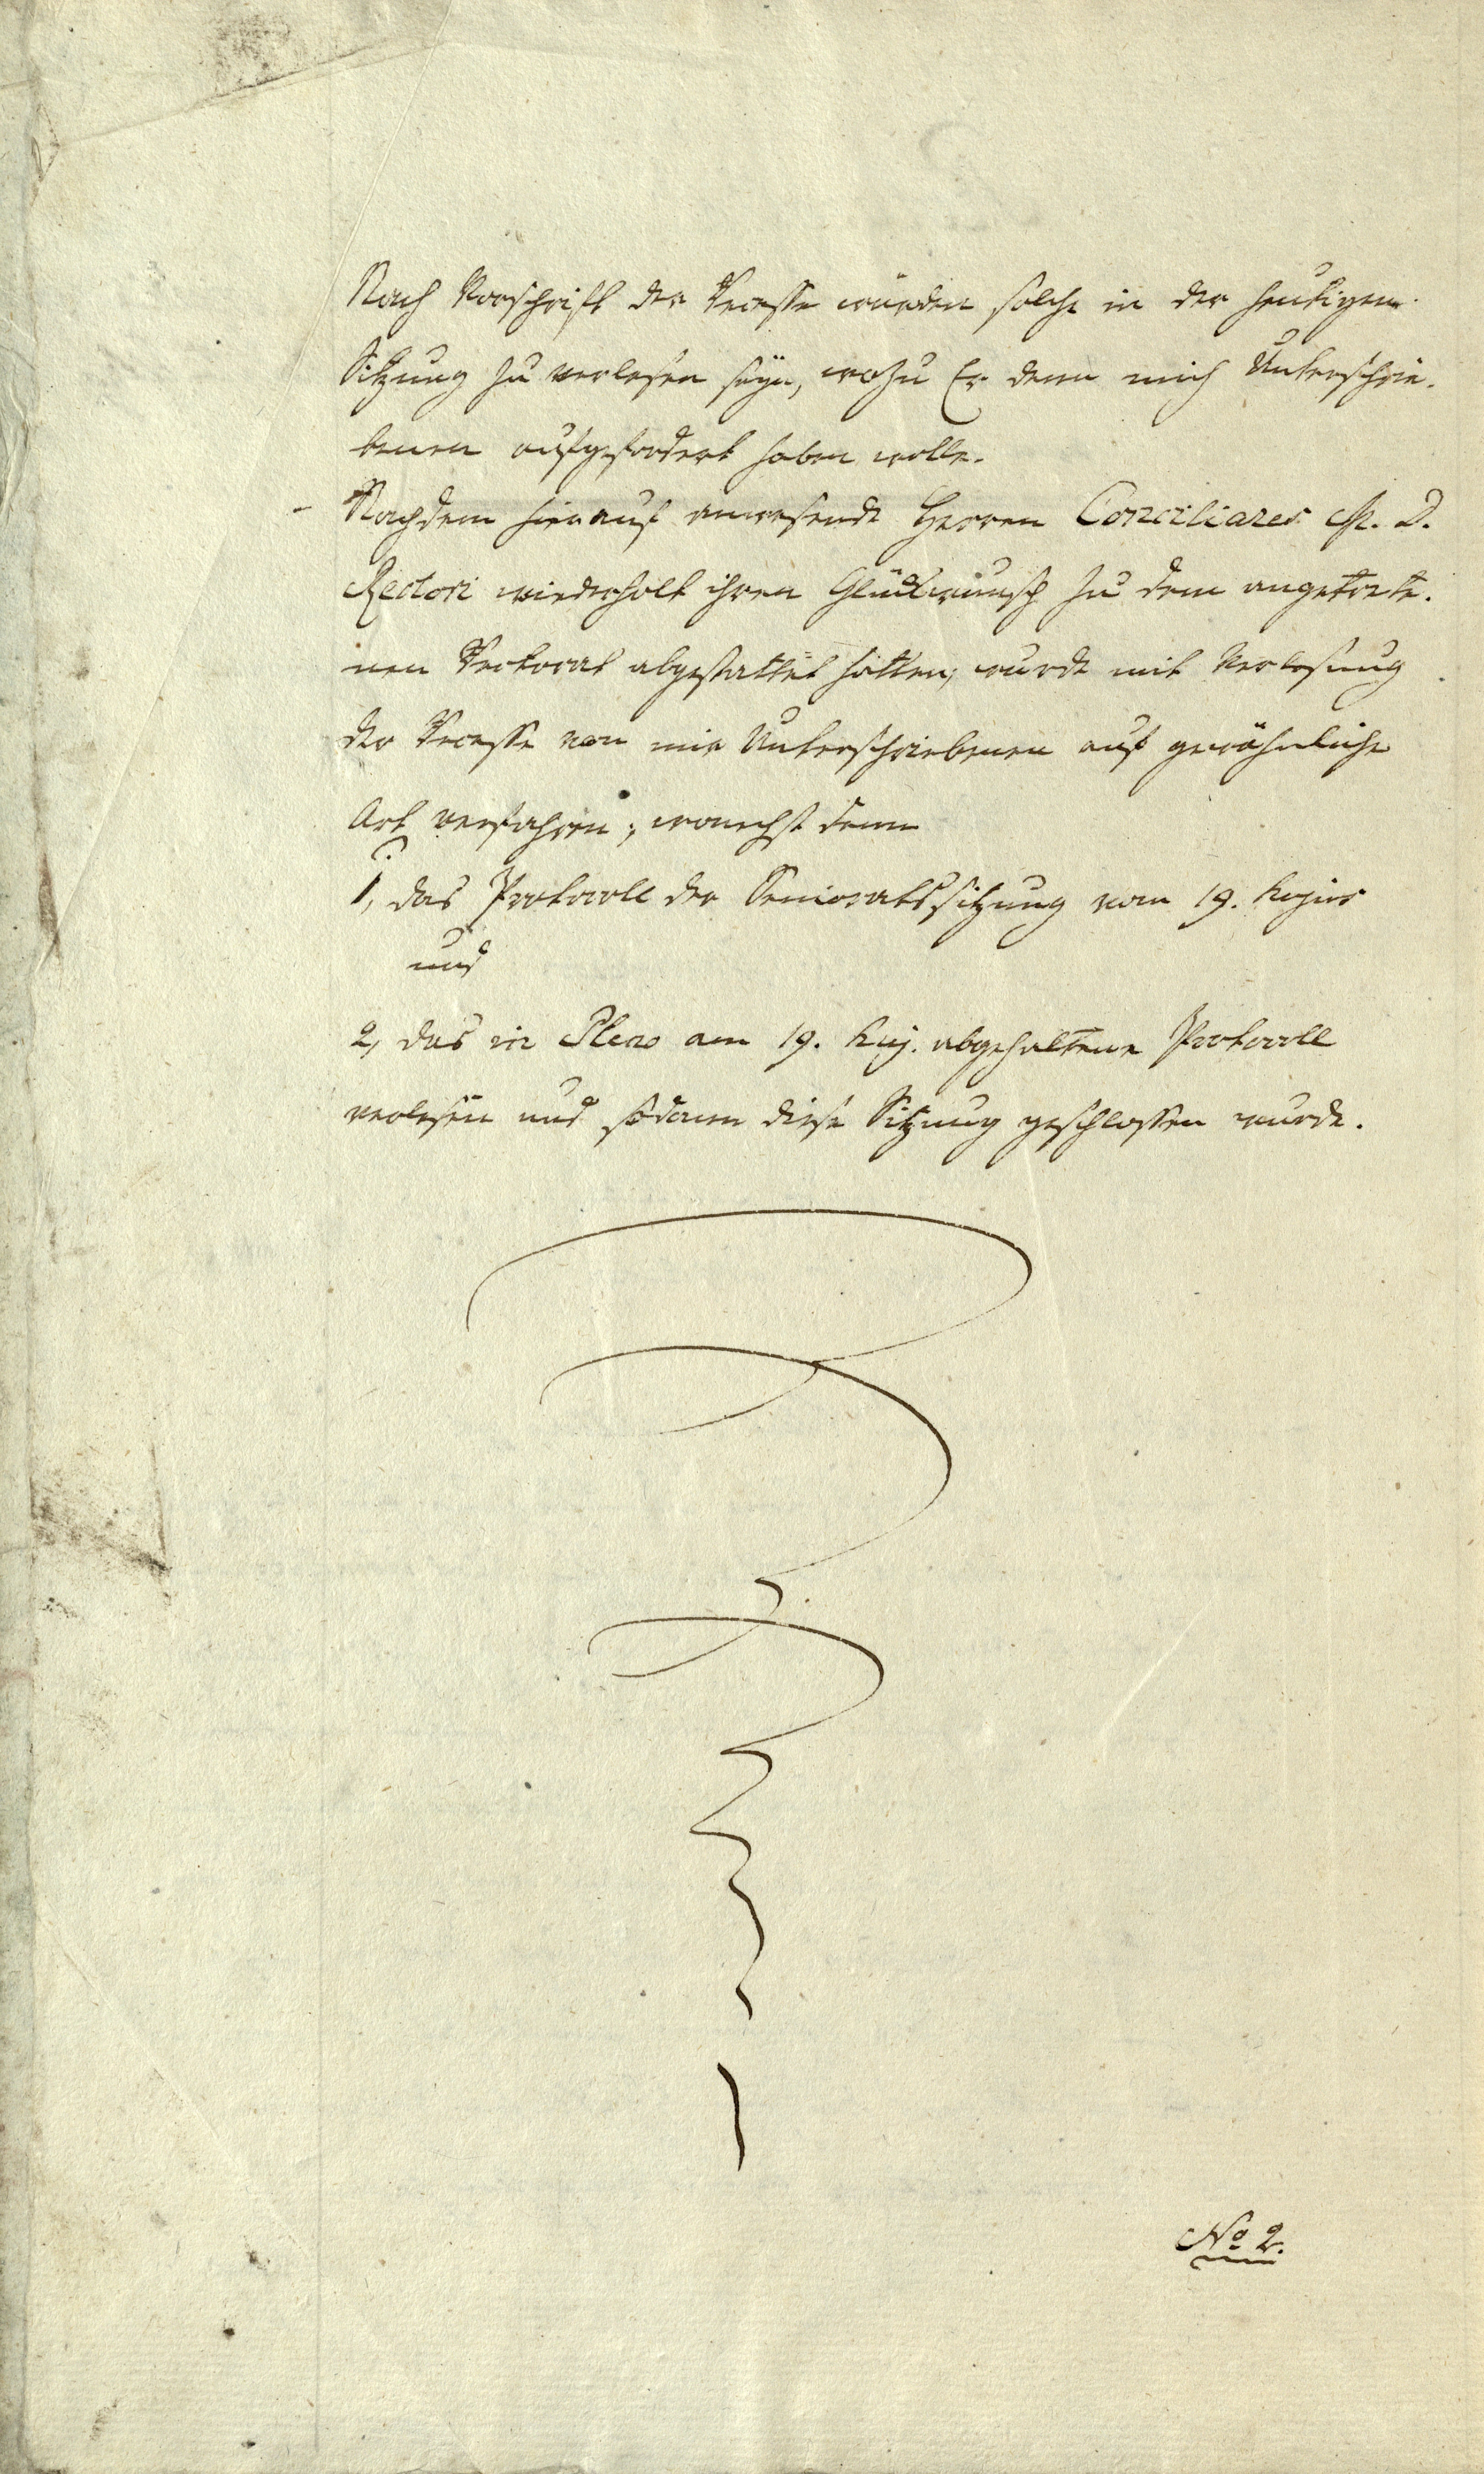Nach Vorschrift der Recesse würden solche in der heutigen
Sitzung zu verlesen seÿn, wozu Er denn mich Unterschrie¬
benen aufgefordert haben wolle.
Nachdem hierauf anwesende Herren Conciliares M. D.
Rector wiederholt ihren Glückwunsch zu dem angetrete¬
nen Rectorat abgestattet hatten, wurde mit Verlesung
der Recesse von mir Unterschriebenen auf gewöhnliche
Art verfahren; wonechst denn
1, das Protocoll der Senioratssitzung vom 19. hujus
und
2, das in Pleno am 19. huj. abgehaltene Protocoll
verlesen und sodann diese Sitzung geschlossen wurde.
No 2.